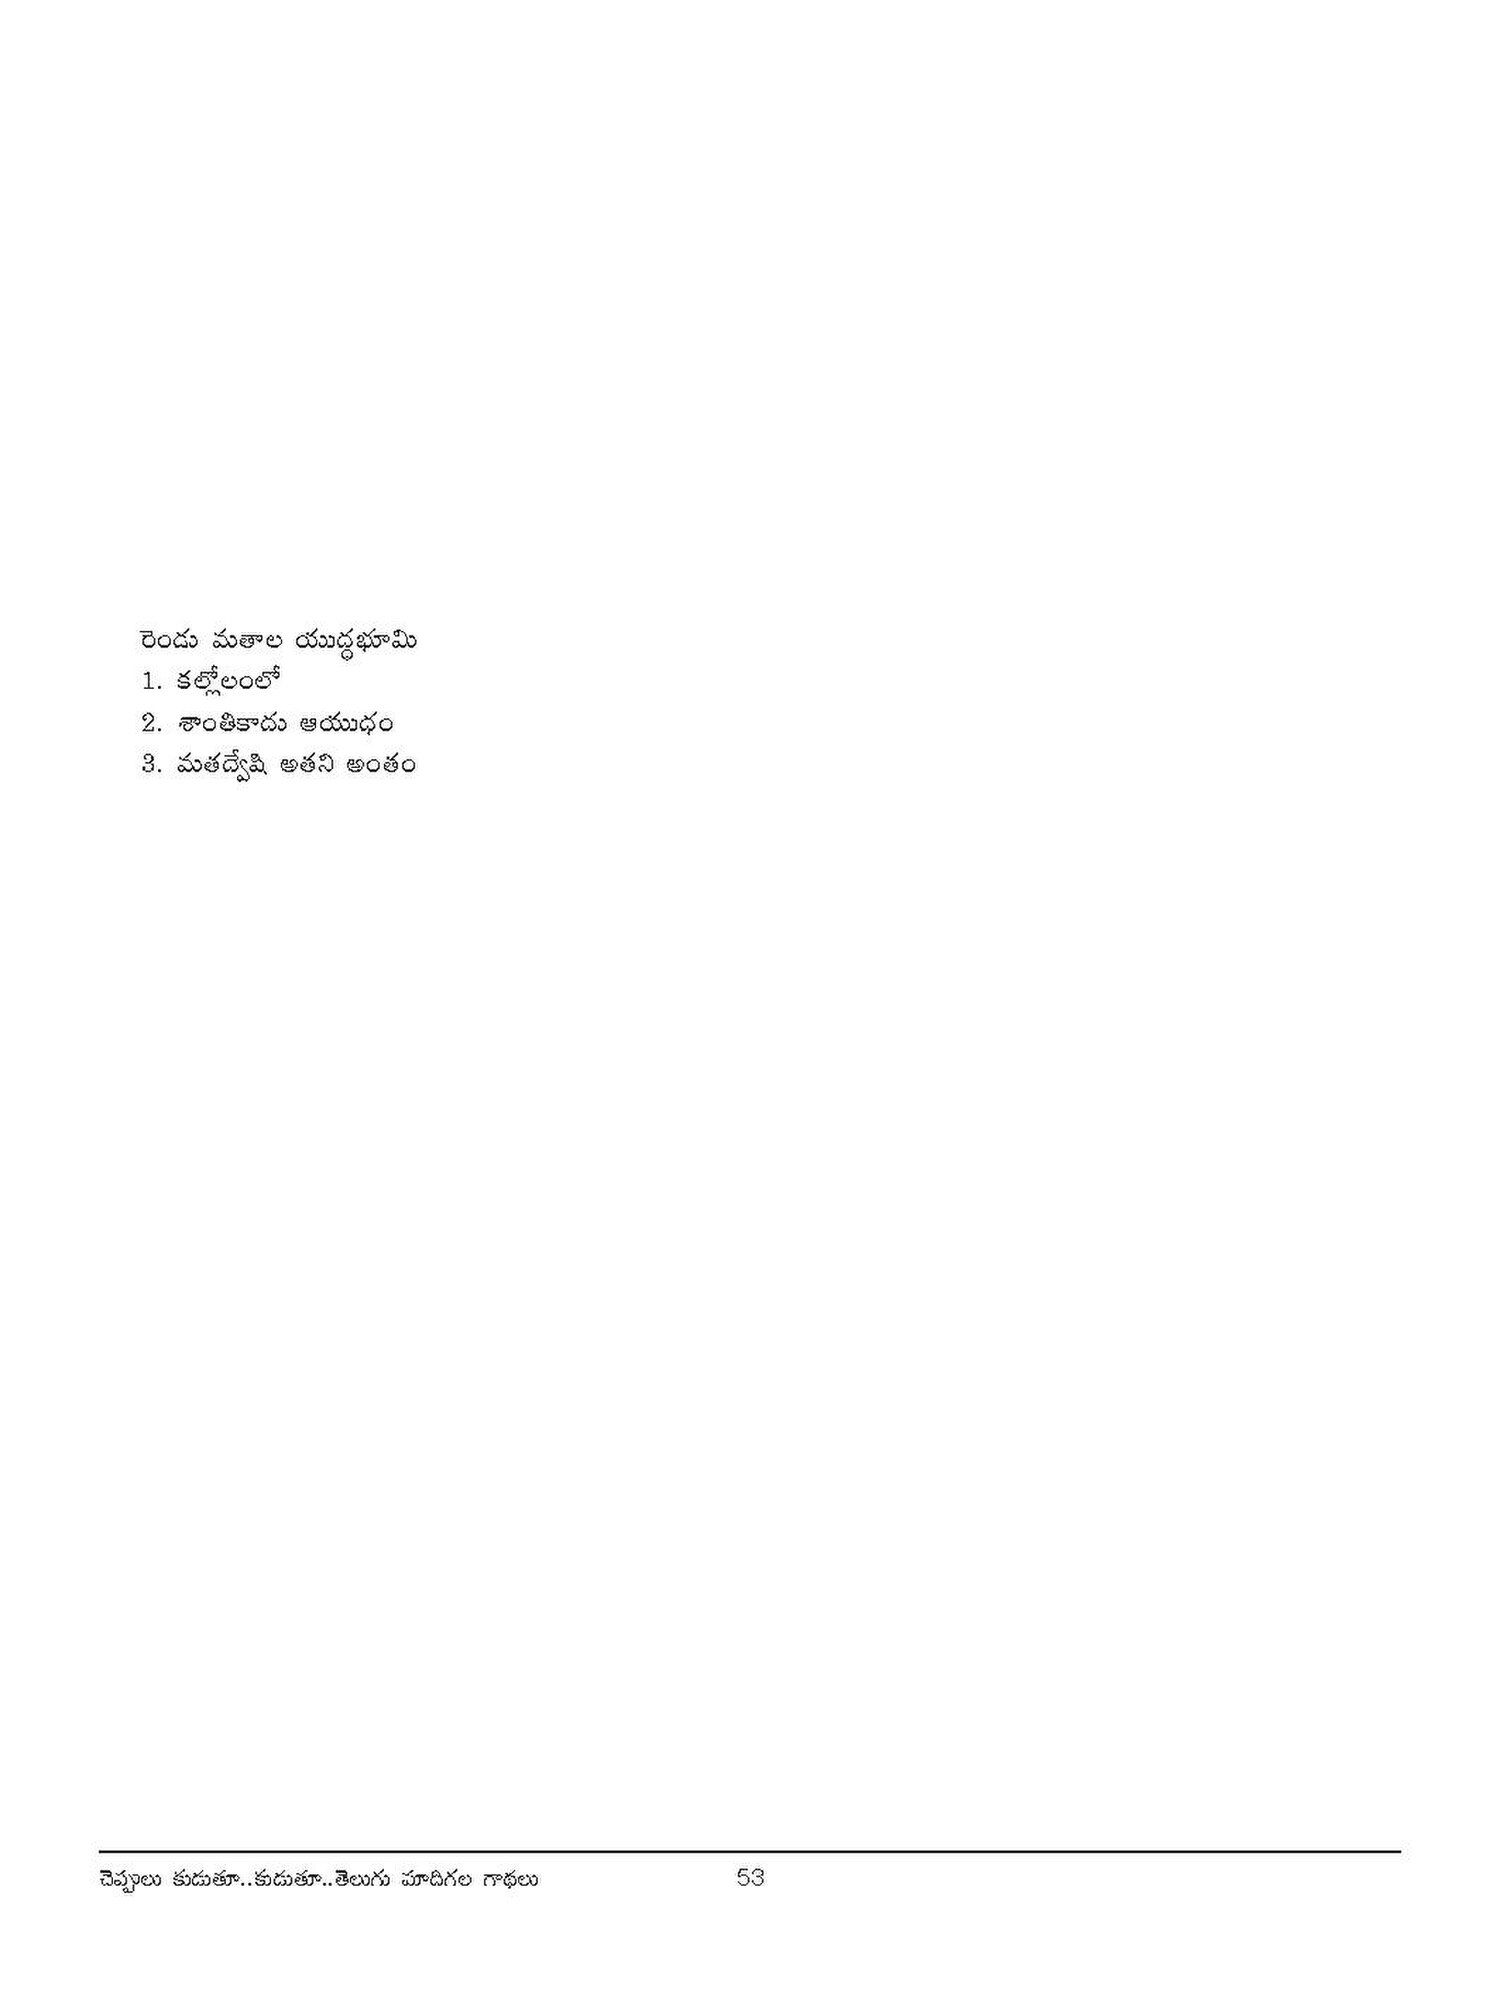రెండు మతాల యుద్ధభూమి

1. కల్లోలంలో

2. శాంతికాదు ఆయుధం

3. మతద్వేషి అతని అంతం